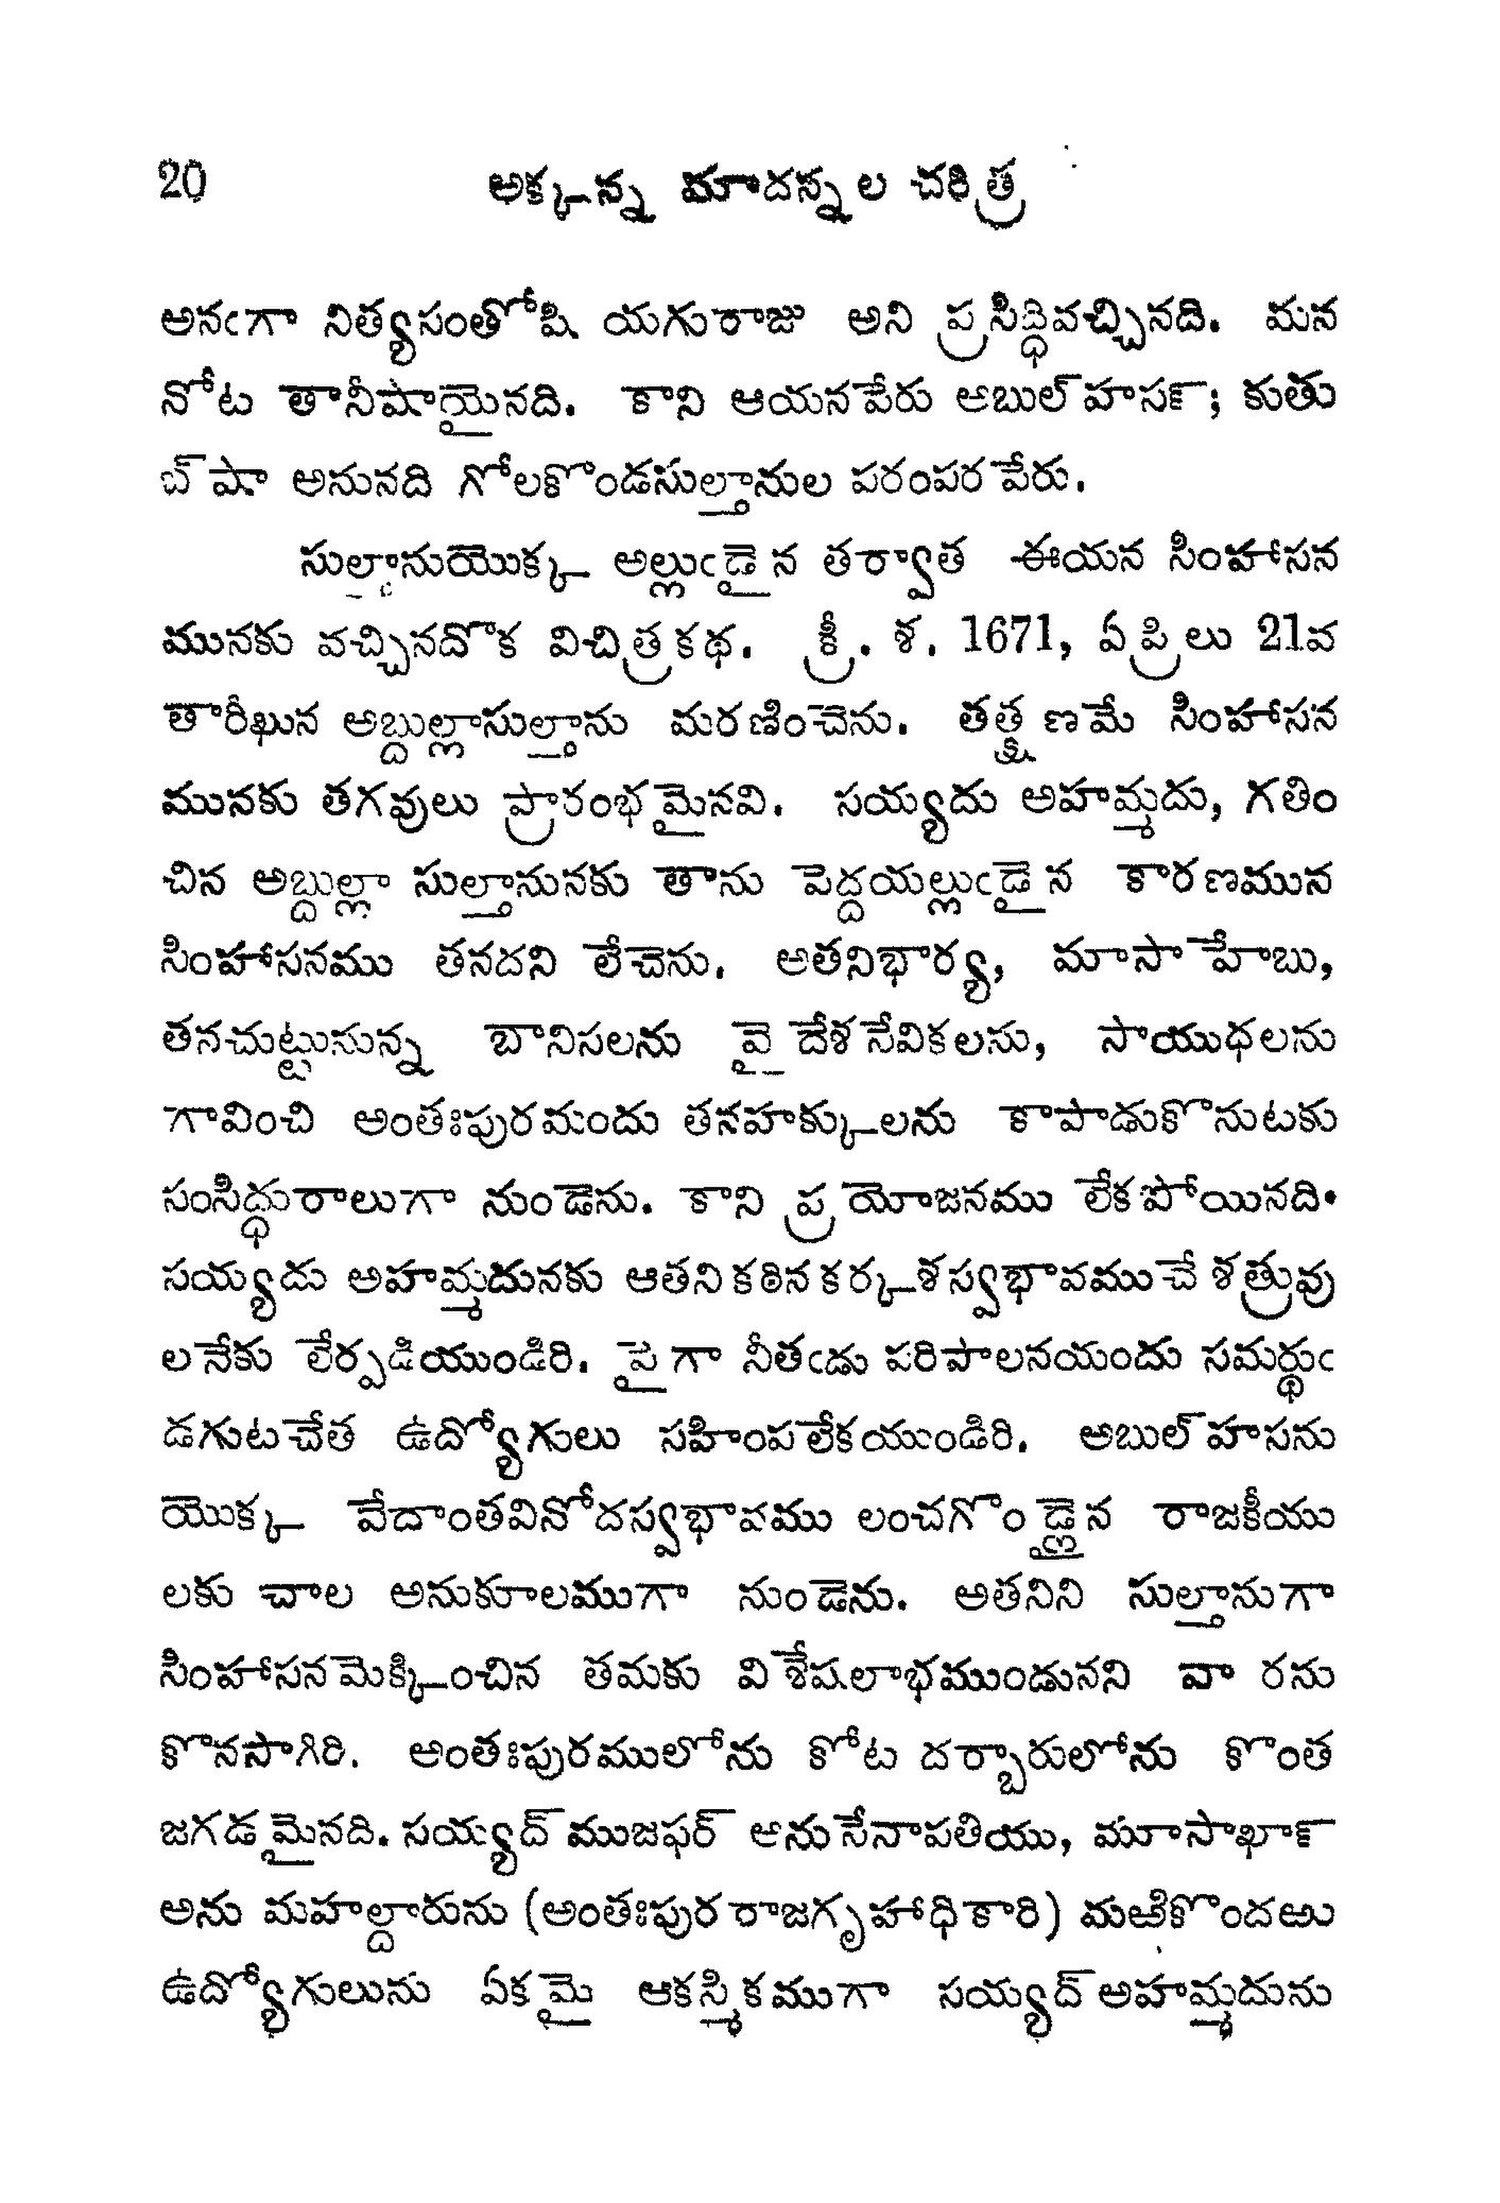అనఁగా నిత్యసంతోషి యగురాజు అని ప్రసిద్ధివచ్చినది. మననోట తానీషాయైనది. కాని ఆయనపేరు అబుల్‌హసౝ; కుతుబ్‌షా అనునది గోలకొండసుల్తానుల పరంపర పేరు.

సుల్తానుయొక్క అల్లుఁడైన తర్వాత ఈయన సింహాసనమునకు వచ్చినదొక విచిత్రకథ. క్రీ. శ. 1671, ఏప్రిలు 21వ తారీఖున అబ్దుల్లాసుల్తాను మరణించెను. తత్క్షణమే సింహాసనమునకు తగవులు ప్రారంభమైనవి. సయ్యదు అహమ్మదు, గతించిన అబ్దుల్లా సుల్తానునకు తాను పెద్దయల్లుఁడైన కారణమున సింహాసనము తనదని లేచెను. అతనిభార్య, మాసాహేబు, తనచుట్టునున్న బానిసలను వైదేశసేవికలను, సాయుధలను గావించి అంతఃపురమందు తనహక్కులను కాపాడుకొనుటకు సంసిద్ధురాలుగా నుండెను. కాని ప్రయోజనము లేకపోయినది. సయ్యదు అహమ్మదునకు ఆతనికఠినకర్కశస్వభావముచే శత్రువు లనేకు లేర్పడియుండిరి. పైగా నీతఁడు పరిపాలనయందు సమర్థుఁడగుటచేత ఉద్యోగులు సహింపలేకయుండిరి. అబుల్‌హసను యొక్క వేదాంతవినోదస్వభావము లంచగొండ్లైన రాజకీయులకు చాల అనుకూలముగా నుండెను. అతనిని సుల్తానుగా సింహాసనమెక్కించిన తమకు విశేషలాభముండునని వా రనుకొనసాగిరి. అంతఃపురములోను కోట దర్బారులోను కొంత జగడమైనది. సయ్యద్‌ముజఫర్ అనుసేనాపతియు, మూసాఖాౝ అను మహల్దారును (అంతఃపురరాజగృహాధికారి) మఱికొందఱు ఉద్యోగులును ఏకమై ఆకస్మికముగా సయ్యద్ అహమ్మదును